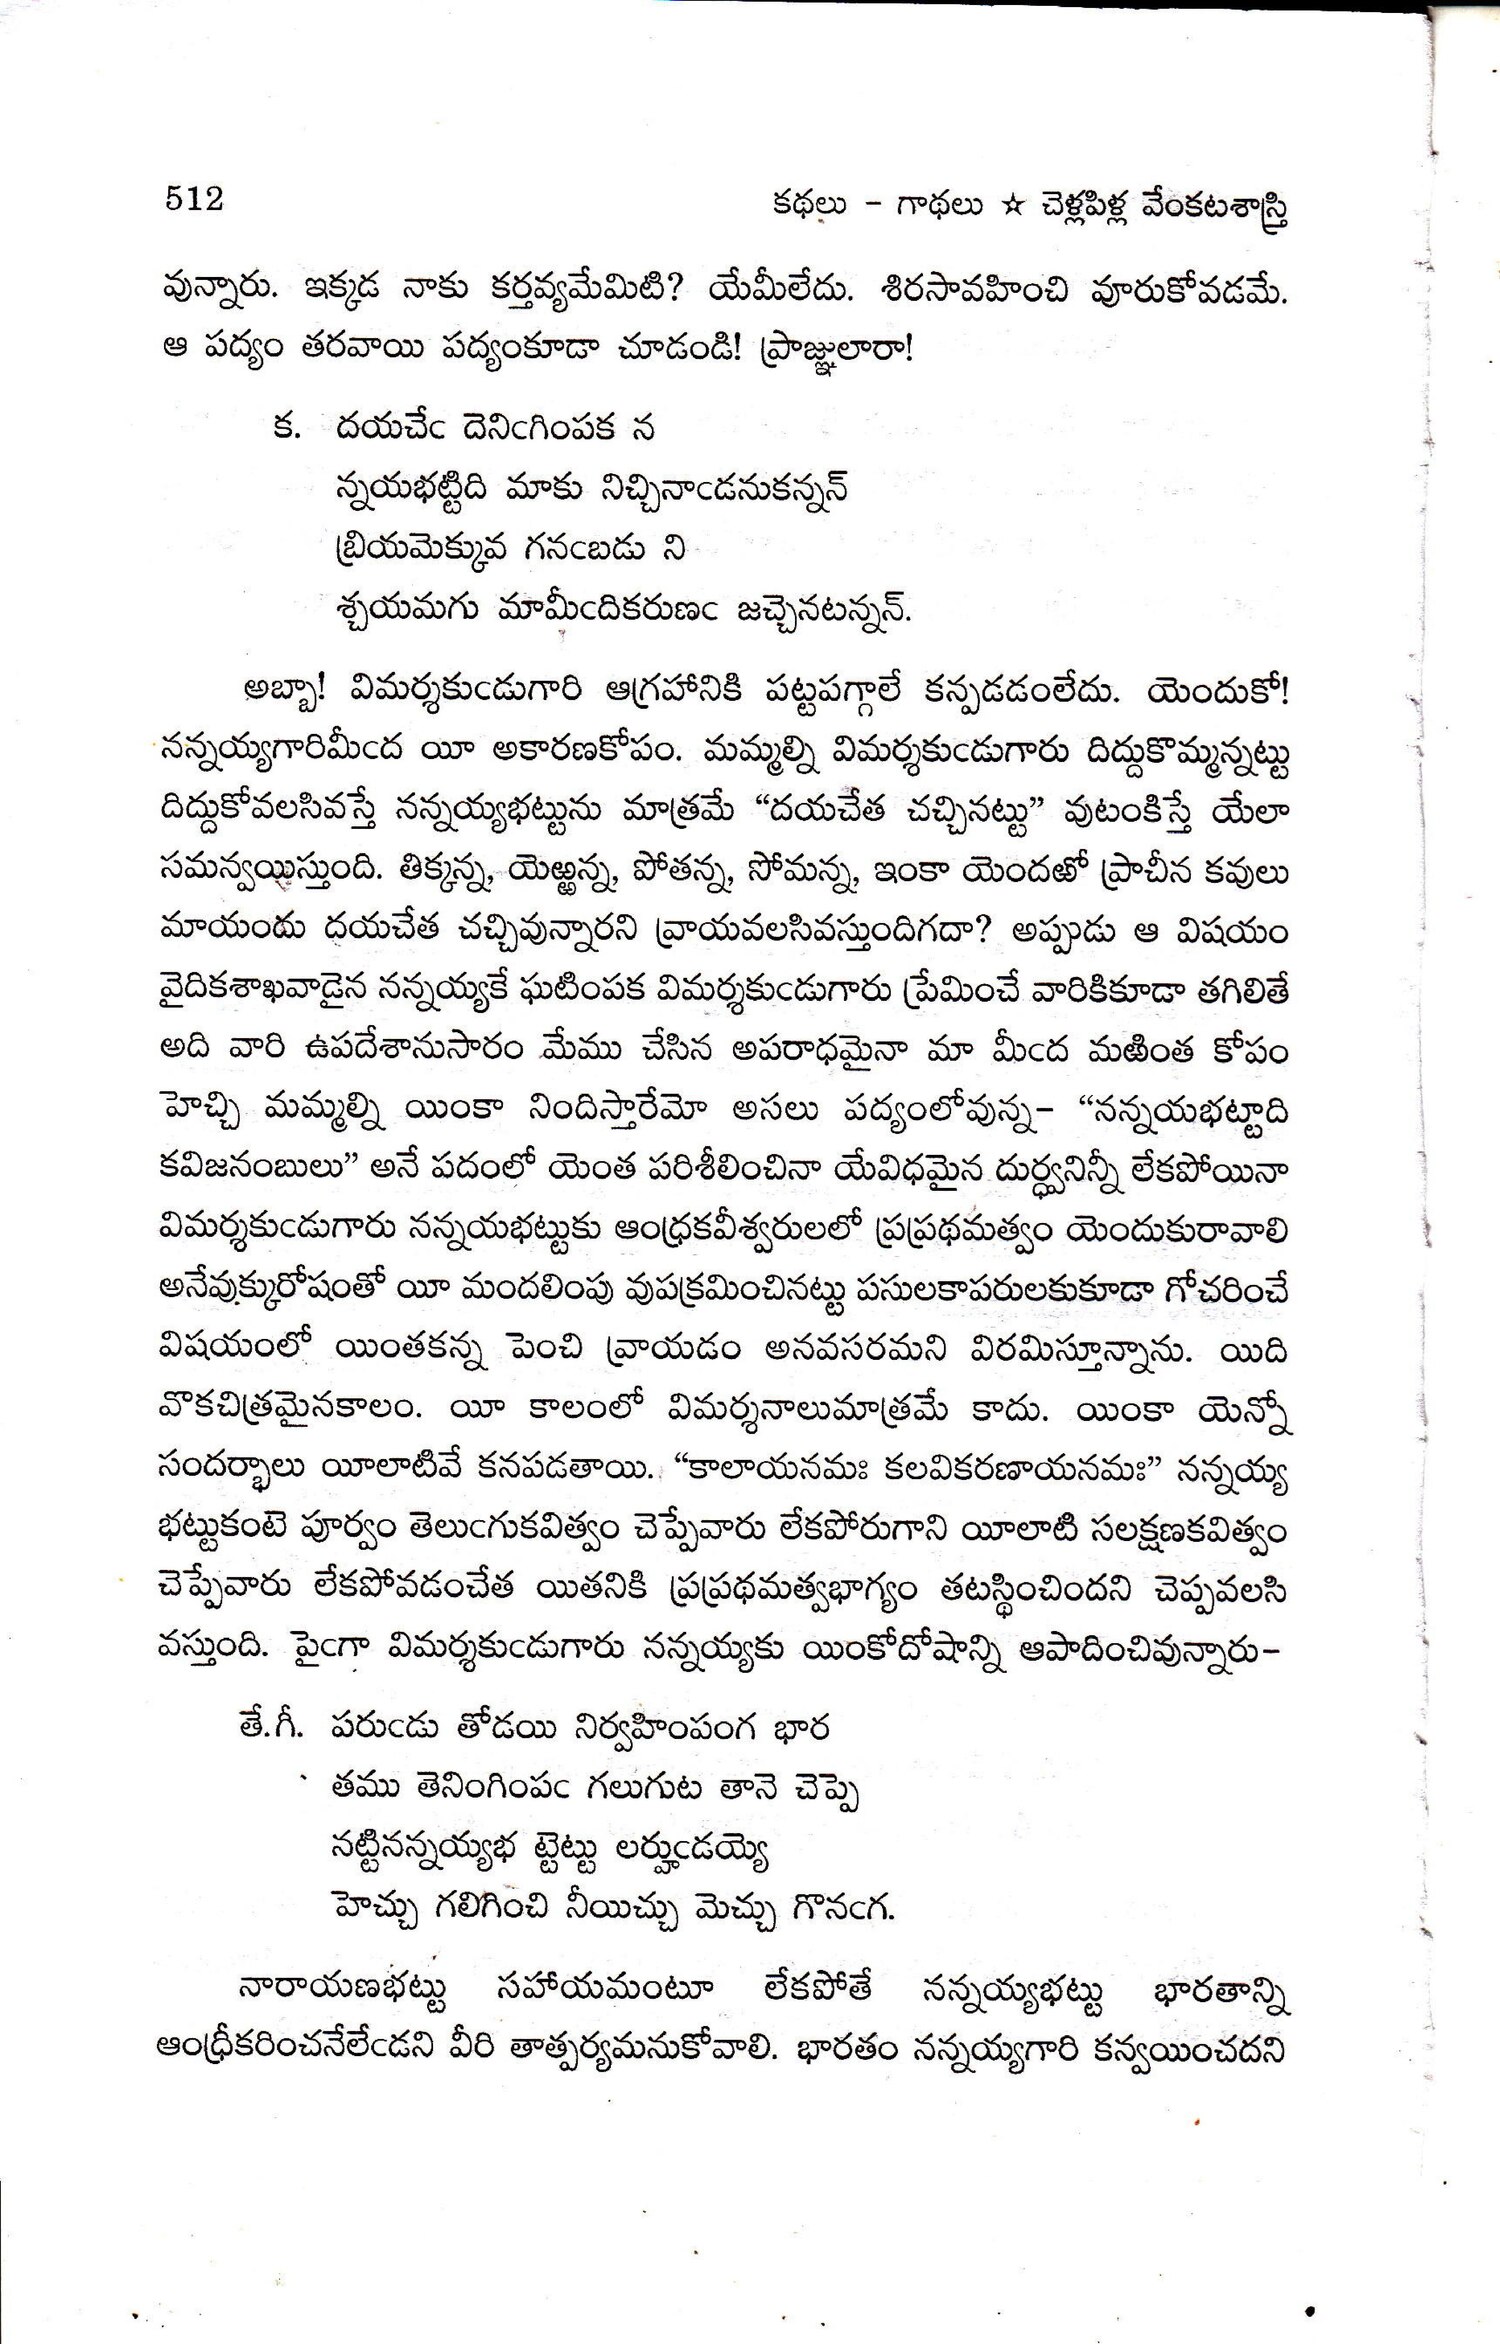వున్నారు. ఇక్కడ నాకు కర్తవ్యమేమిటి? యేమీలేదు. శిరసావహించి వూరుకోవడమే. ఆ పద్యం తరవాయి పద్యంకూడా చూడండి! ప్రాజ్ఞులారా!

క. దయచేఁ దెనిఁగింపక న
 న్నయభట్టిది మాకు నిచ్చినాఁడనుకన్నన్ 
 బ్రియమెక్కువ గనఁబడు ని 
 శ్చయమగు మామీఁదికరుణఁ జచ్చెనటన్నన్.
అబ్బా! విమర్శకుఁడుగారి ఆగ్రహానికి పట్టపగ్గాలే కన్పడడంలేదు. యెందుకో! నన్నయ్యగారిమీఁద యీ అకారణకోపం. మమ్మల్ని విమర్శకుఁడుగారు దిద్దుకొమ్మన్నట్టు దిద్దుకోవలసివస్తే నన్నయ్యభట్టును మాత్రమే "దయచేత చచ్చినట్టు" వుటంకిస్తే యేలా సమన్వయిస్తుంది. తిక్కన్న, యెఱ్ఱన్న, పోతన్న, సోమన్న, ఇంకా యెందఱో ప్రాచీన కవులు మాయందు దయచేత చచ్చివున్నారని వ్రాయవలసివస్తుందిగదా? అప్పుడు ఆ విషయం వైదికశాఖవాడైన నన్నయ్యకే ఘటింపక విమర్శకుఁడుగారు ప్రేమించే వారికికూడా తగిలితే అది వారి ఉపదేశానుసారం మేము చేసిన అపరాధమైనా మా మీఁద మఱింత కోపం హెచ్చి మమ్మల్ని యింకా నిందిస్తారేమో అసలు పద్యంలోవున్న- “నన్నయభట్టాది కవిజనంబులు" అనే పదంలో యెంత పరిశీలించినా యేవిధమైన దుర్ధ్వనిన్నీ లేకపోయినా విమర్శకుఁడుగారు నన్నయభట్టుకు ఆంధ్రకవీశ్వరులలో ప్రప్రథమత్వం యెందుకురావాలి అనేవుక్కురోషంతో యీ మందలింపు వుపక్రమించినట్టు పసులకాపరులకుకూడా గోచరించే విషయంలో యింతకన్న పెంచి వ్రాయడం అనవసరమని విరమిస్తూన్నాను. యిది వొకచిత్రమైనకాలం. యీ కాలంలో విమర్శనాలుమాత్రమే కాదు. యింకా యెన్నో సందర్భాలు యీలాటివే కనపడతాయి. "కాలాయనమః కలవికరణాయనమః" నన్నయ్యభట్టుకంటె పూర్వం తెలుఁగుకవిత్వం చెప్పేవారు లేకపోరుగాని యీలాటి సలక్షణకవిత్వం చెప్పేవారు లేకపోవడంచేత యితనికి ప్రప్రథమత్వభాగ్యం తటస్థించిందని చెప్పవలసి వస్తుంది. పైఁగా విమర్శకుఁడుగారు నన్నయ్యకు యింకోదోషాన్ని ఆపాదించివున్నారు

తే.గీ. పరుఁడు తోడయి నిర్వహింపంగ భార
 తము తెనింగింపఁ గలుగుట తానె చెప్పె 
 నట్టినన్నయ్యభ ట్టెట్టు లర్హుఁడయ్యె 
 హెచ్చు గలిగించి నీయిచ్చు మెచ్చు గొనఁగ.
నారాయణభట్టు సహాయమంటూ లేకపోతే నన్నయ్యభట్టు భారతాన్ని ఆంద్రీకరించనేలేఁడని వీరి తాత్పర్యమనుకోవాలి. భారతం నన్నయ్యగారి కన్వయించదని